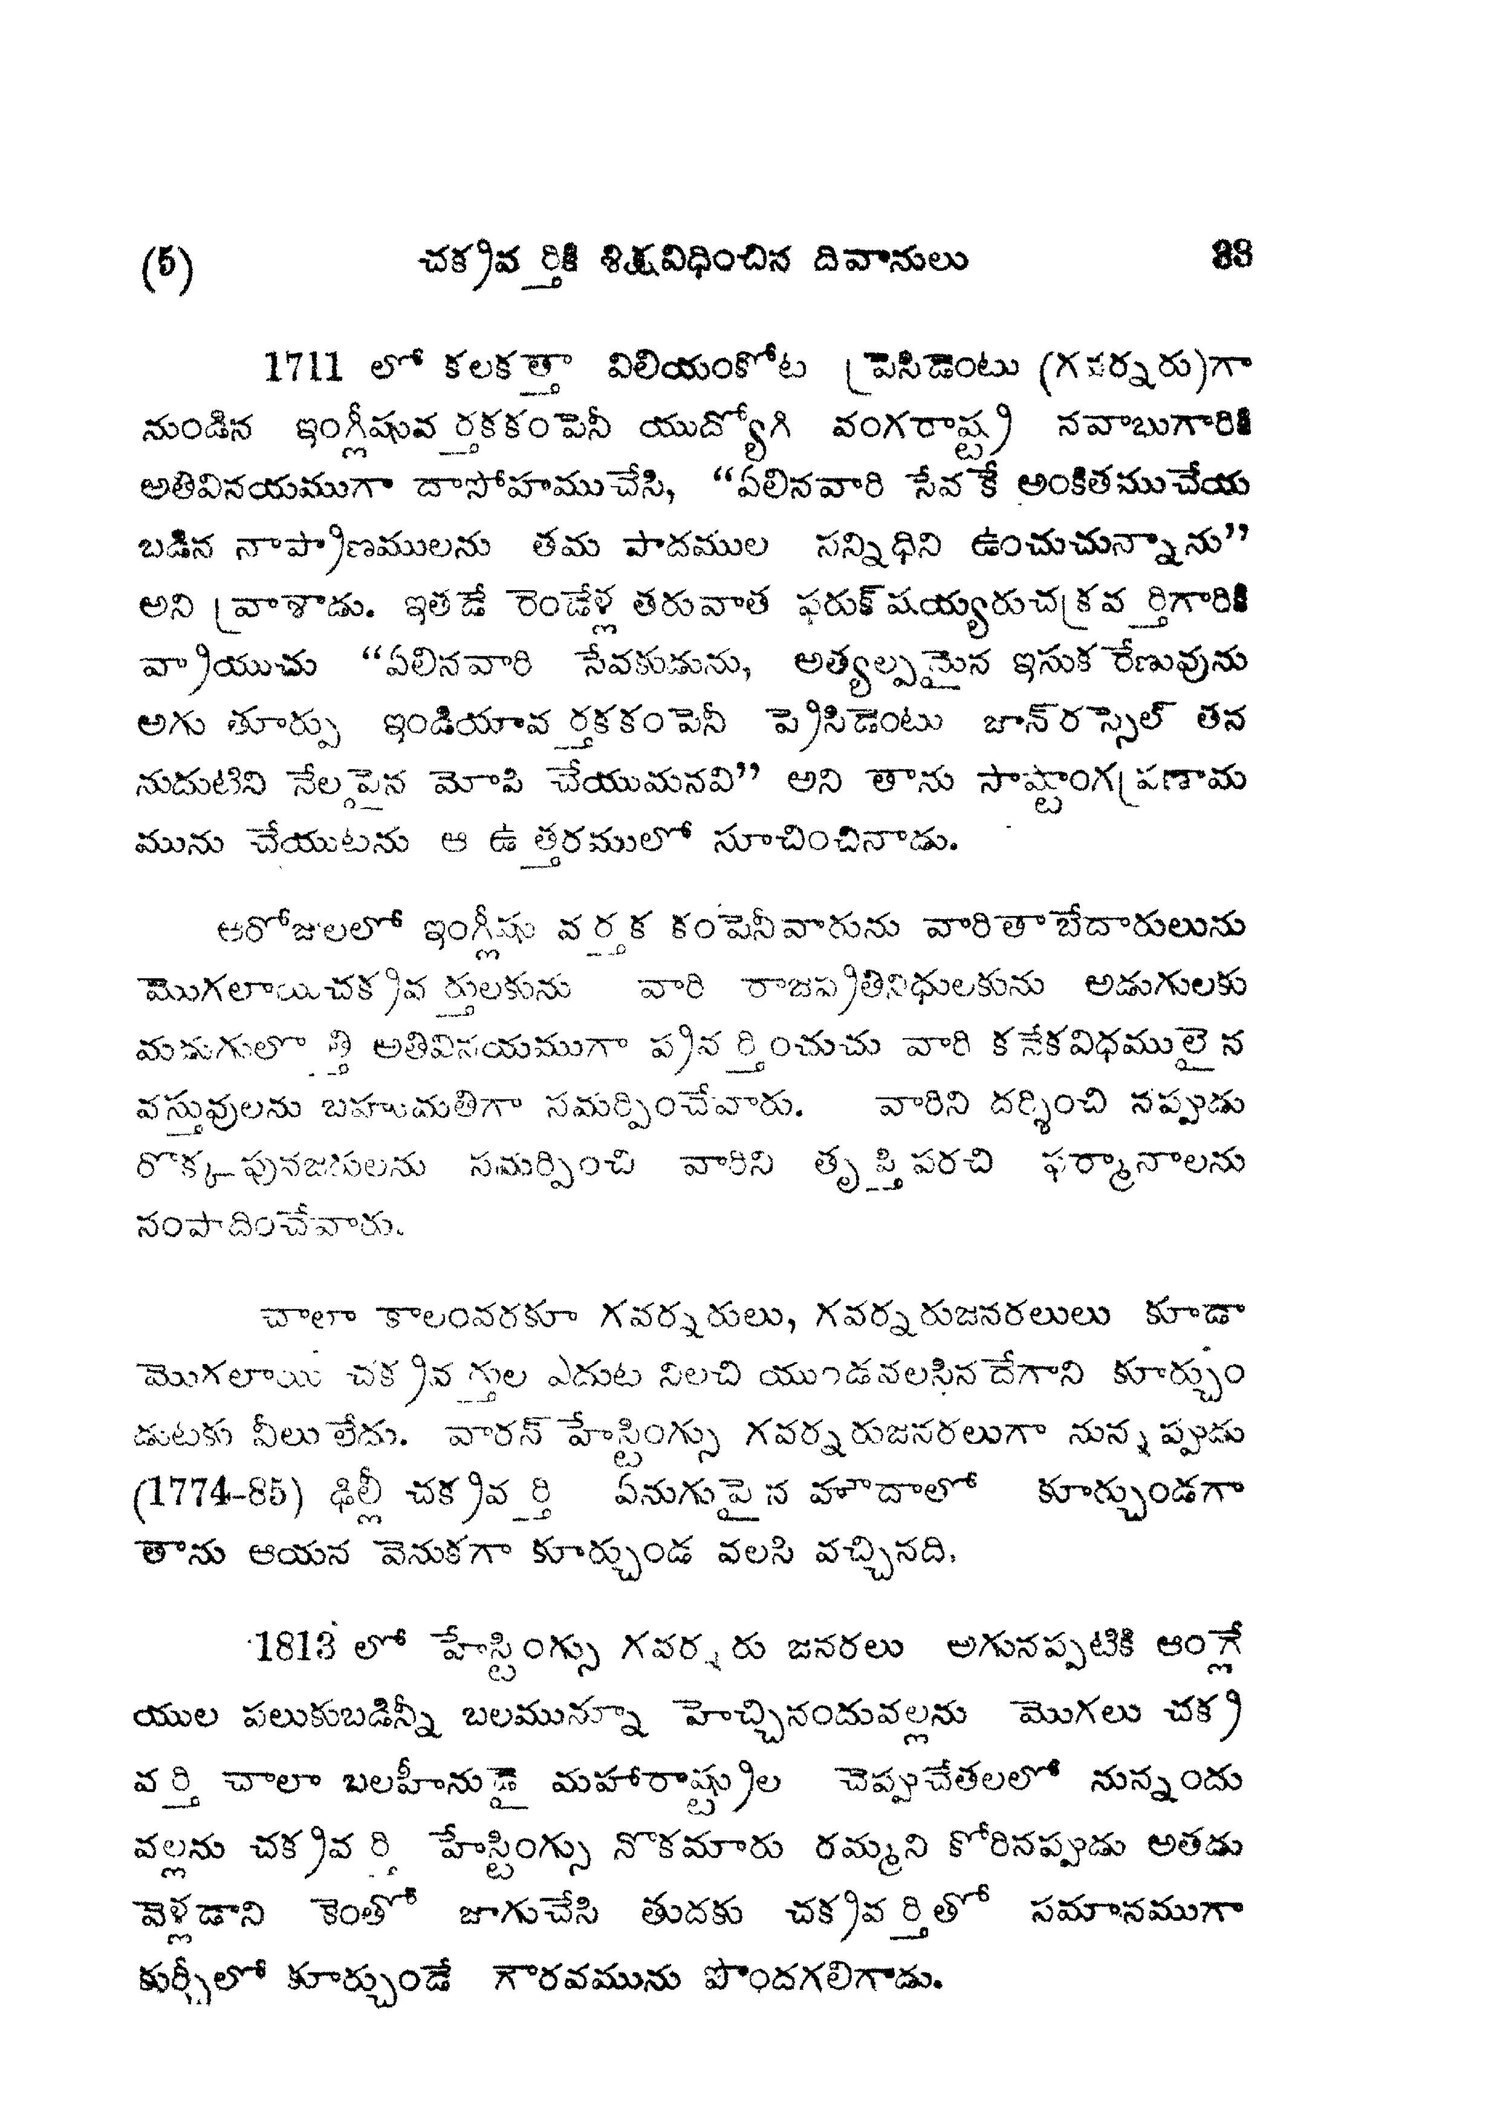1711 లో కలకత్తా విలియంకోట ప్రెసిడెంటు (గవర్నరు)గానుండిన ఇంగ్లీషు వర్తకకంపెనీ యుద్యోగి వంగరాష్ట్ర నవాబుగారికి అతివినయముగా దాసోహముచేసి "ఏలినవారి సేవకే అంకితముచేయబడిన నాప్రాణములను తమ పాదముల సన్నిధిని ఉంచుచున్నాను" అని వ్రాశాడు. ఇతడే రెండేళ్ల తరువాత ఫరుక్ షయ్యరు చక్రవర్తిగారికి వ్రాయుచు "ఏలినవారి సేవకుడును, అత్యల్పమైన ఇసుకరేణువును అగు తూర్పు ఇండియావర్తకకంపెనీ ప్రెసిడెంటు జాన్ రస్సెల్ తననుదుటిని నేలపైన మోపి చేయుమనవి" అని తాను సాష్టాంగప్రమాణమును చేయుటను ఆ ఉత్తరములో సూచించినాడు. 

ఆరోజులలో ఇంగ్లీషు వర్తక కంపెనీవారును వారితాబేదారులును మొగలాయి చక్రవర్తులకును వారి రాజప్రతినిధులకును అడుగులకు మడుగులొత్తి అతి వినయముగా ప్రవర్తించుచు వారిని దర్శించి నప్పుడు రొక్కపునజరులను సమర్ఫించి వారిని తృప్తిపరచి ఫర్మానాలను సంపాదించేవారు.

చాలా కాలంవరకూ గవర్నరులు, గవర్నరు జనరలులు కూడా మొగలాయి చక్రవర్తుల ఎదుట నిలచి యుండవలసినదేగాని కూర్చుండుటకు వీలులేదు. వారన్ హేస్టింగ్సు గవర్నరుజనరలుగా నున్నప్పుడు (1774-85) ఢిల్లీ చక్రవర్తి ఏనుగుపైన హౌదాలో కూర్చుండగా తాను ఆయన వెనుకగా కూర్చుండ వలసి వచ్చినది.

1813 లో హేస్టింగ్సు గవర్నరు జనరలు అగునప్పటికి ఆంగ్లేయుల పలుకుబడిన్నీ బలమున్నూ హెచ్చినందువల్లను మొగలు చక్రవర్తి చాలా బలహీనుడై మహారాష్ట్రుల చెప్పుచేతలలో నున్నందువల్లను చక్రవర్తి హేస్టింగ్సు నొకమారు రమ్మని కోరినప్పుడు అతడు వెళ్లడాని కెంతో జాగుచేసి తుదకు చక్రవర్తి తో సమానముగా కుర్చీలో కూర్చుండే గౌరవమును పొందగలిగాడు.